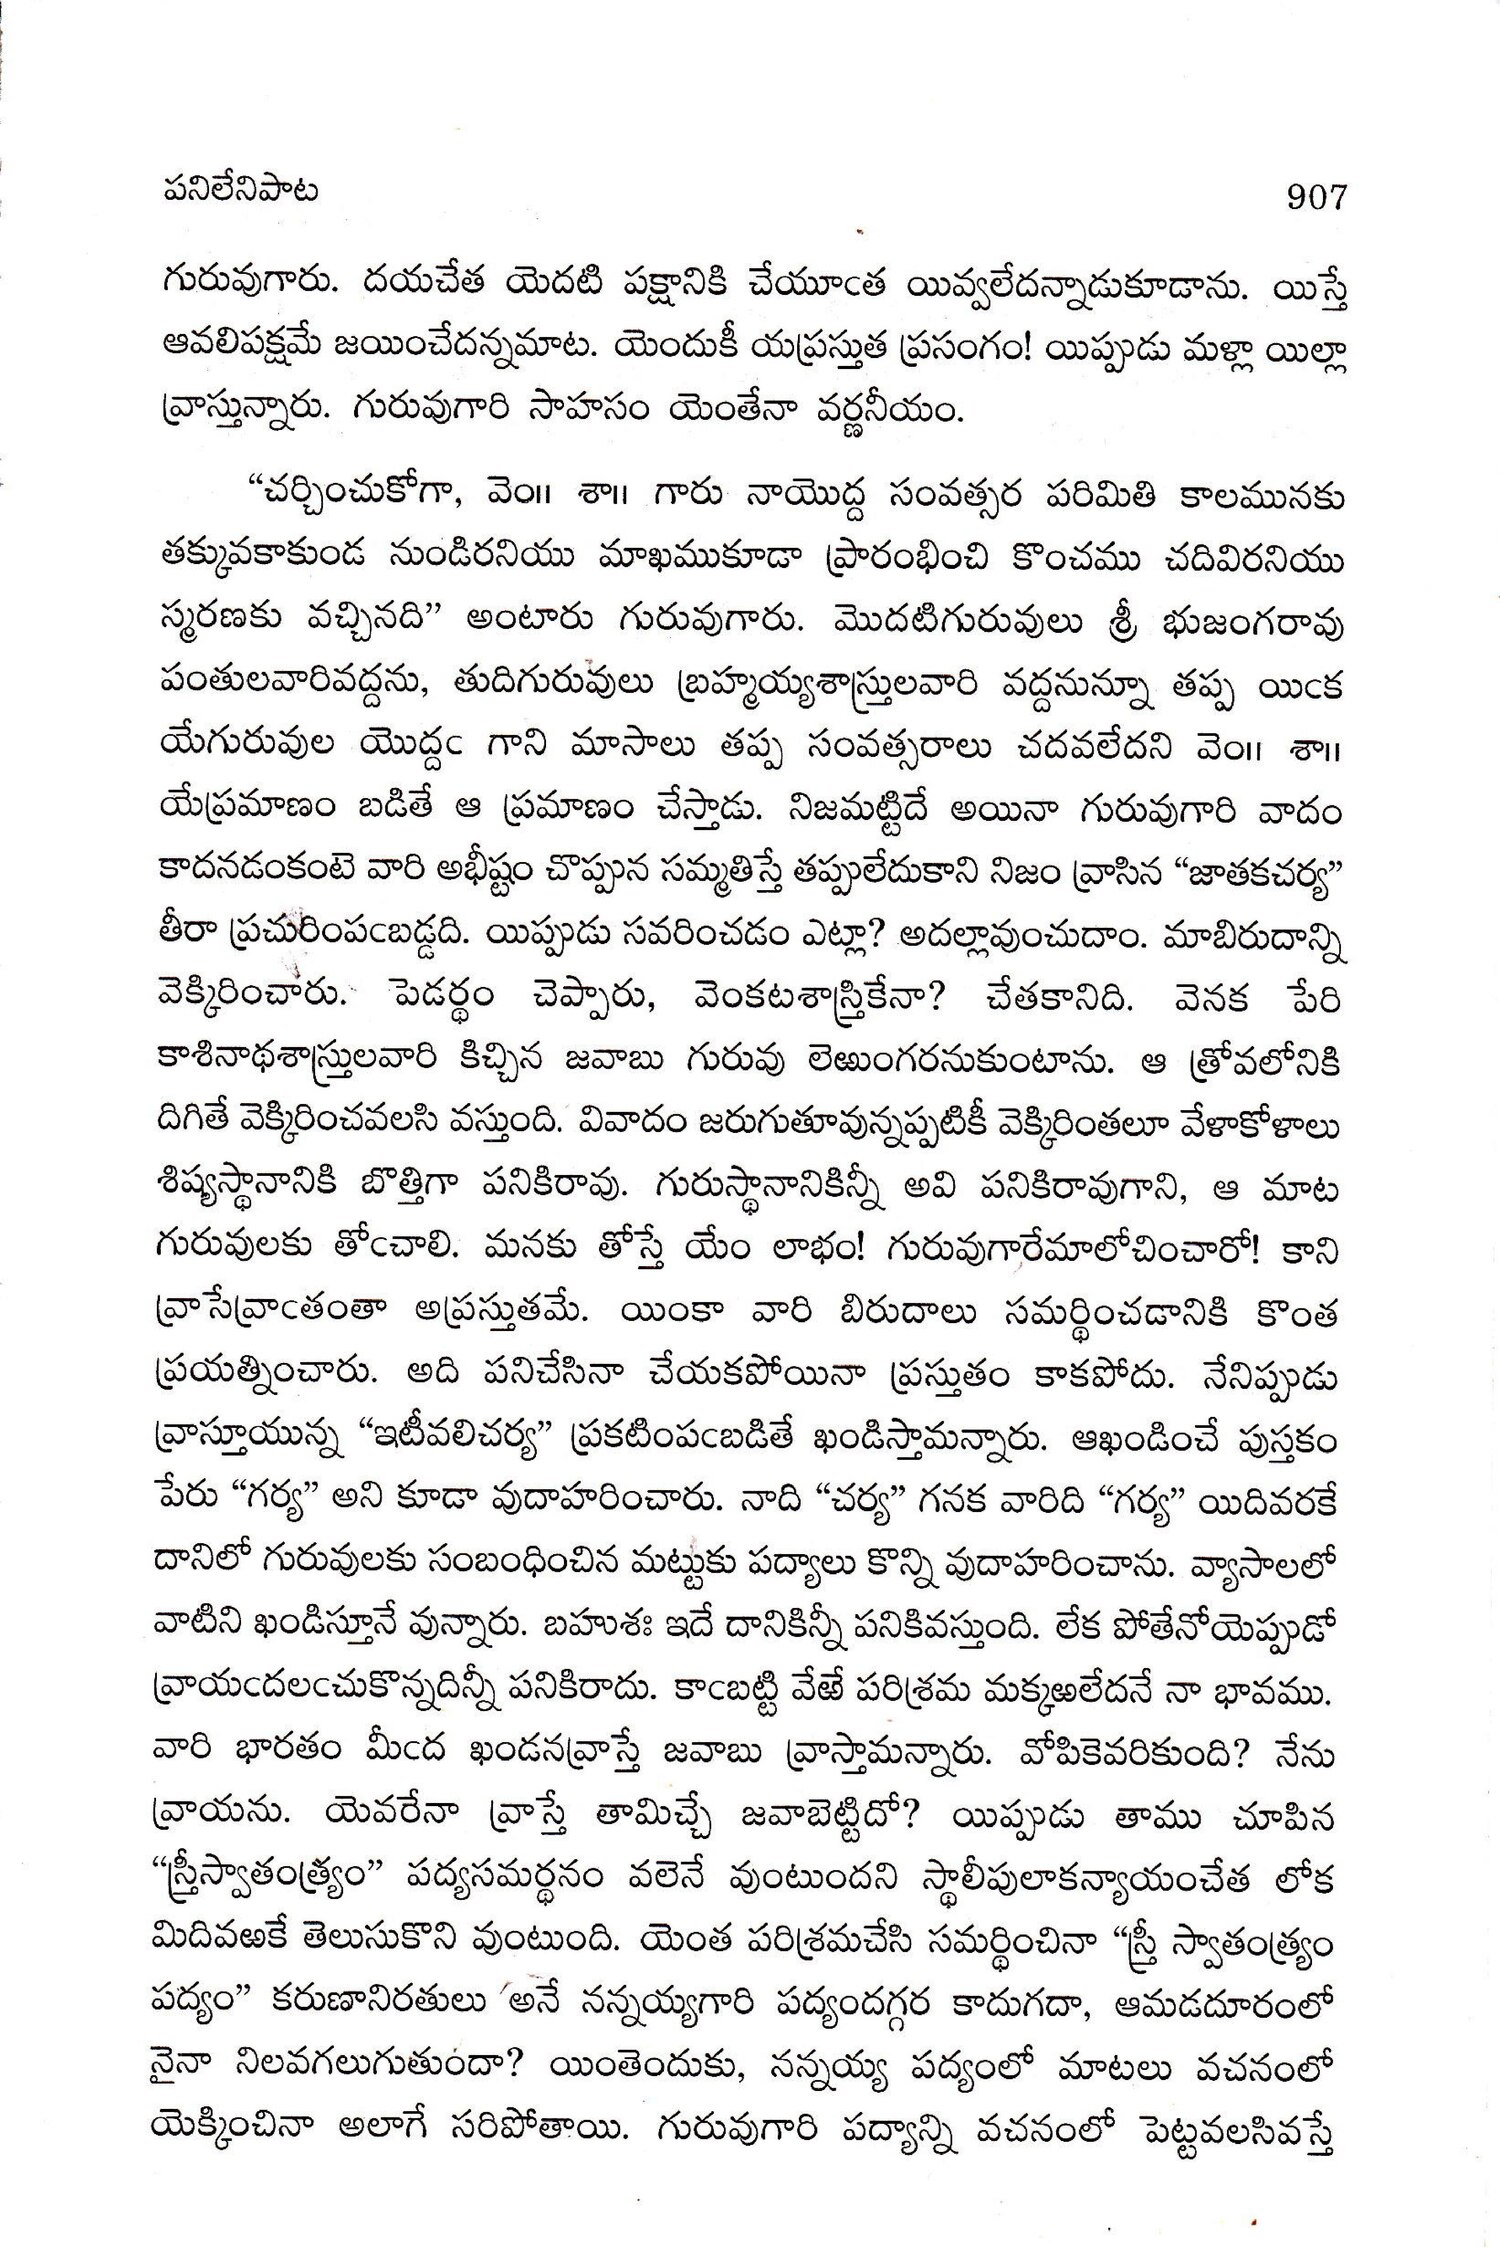గురువుగారు. దయచేత యెదటి పక్షానికి చేయూఁత యివ్వలేదన్నాడుకూడాను. యిస్తే ఆవలిపక్షమే జయించేదన్నమాట. యెందుకీ యప్రస్తుత ప్రసంగం! యిప్పుడు మళ్లా యిల్లా వ్రాస్తున్నారు. గురువుగారి సాహసం యెంతేనా వర్ణనీయం.

“చర్చించుకోగా, వెం||శా|| గారు నాయొద్ద సంవత్సర పరిమితి కాలమునకు తక్కువకాకుండ నుండిరనియు మాఖముకూడా ప్రారంభించి కొంచము చదివిరనియు స్మరణకు వచ్చినది” అంటారు గురువుగారు. మొదటిగురువులు శ్రీ భుజంగరావు పంతులవారివద్దను, తుదిగురువులు బ్రహ్మయ్యశాస్త్రులవారి వద్దనున్నూ తప్ప యిఁక యేగురువుల యొద్దఁ గాని మాసాలు తప్ప సంవత్సరాలు చదవలేదని వెం|| శా|| యేప్రమాణం బడితే ఆ ప్రమాణం చేస్తాడు. నిజమట్టిదే అయినా గురువుగారి వాదం కాదనడంకంటె వారి అభీష్టం చొప్పున సమ్మతిస్తే తప్పలేదుకాని నిజం వ్రాసిన “జాతకచర్య" తీరా ప్రచురింపఁబడ్డది. యిప్పుడు సవరించడం ఎట్లా? అదల్లావుంచుదాం. మాబిరుదాన్ని వెక్కిరించారు. పెడర్థం చెప్పారు, వెంకటశాస్త్రికేనా? చేతకానిది. వెనక పేరి కాశినాథశాస్త్రులవారి కిచ్చిన జవాబు గురువు లెఱుంగరనుకుంటాను. ఆ త్రోవలోనికి దిగితే వెక్కిరించవలసి వస్తుంది. వివాదం జరుగుతూవున్నప్పటికీ వెక్కిరింతలూ వేళాకోళాలు శిష్యస్థానానికి బొత్తిగా పనికిరావు. గురుస్థానానికిన్నీ అవి పనికిరావుగాని, ఆ మాట గురువులకు తోఁచాలి. మనకు తోస్తే యేం లాభం! గురువుగారేమాలోచించారో! కాని వ్రాసేవ్రాఁతంతా అప్రస్తుతమే. యింకా వారి బిరుదాలు సమర్థించడానికి కొంత ప్రయత్నించారు. అది పనిచేసినా చేయకపోయినా ప్రస్తుతం కాకపోదు. నేనిప్పుడు వ్రాస్తూయున్న "ఇటీవలిచర్య" ప్రకటింపఁబడితే ఖండిస్తామన్నారు. ఆఖండించే పుస్తకం పేరు “గర్య" అని కూడా వుదాహరించారు. నాది “చర్య" గనక వారిది “గర్య" యిదివరకే దానిలో గురువులకు సంబంధించిన మట్టుకు పద్యాలు కొన్ని వుదాహరించాను. వ్యాసాలలో వాటిని ఖండిస్తూనే వున్నారు. బహుశః ఇదే దానికిన్నీ పనికివస్తుంది. లేక పోతేనోయెప్పుడో వ్రాయఁదలఁచుకొన్నదిన్నీ పనికిరాదు. కాఁబట్టి వేఱే పరిశ్రమ మక్కఱలేదనే నా భావము. వారి భారతం మీఁద ఖండనవ్రాస్తే జవాబు వ్రాస్తామన్నారు. వోపికెవరికుంది? నేను వ్రాయను. యెవరేనా వ్రాస్తే తామిచ్చే జవాబెట్టిదో? యిప్పుడు తాము చూపిన "స్త్రీస్వాతంత్ర్యం” పద్యసమర్ధనం వలెనే వుంటుందని స్థాలీపులాకన్యాయంచేత లోక మిదివఱకే తెలుసుకొని వుంటుంది. యెంత పరిశ్రమచేసి సమర్ధించినా "స్త్రీ స్వాతంత్ర్యం పద్యం" కరుణానిరతులు అనే నన్నయ్యగారి పద్యందగ్గర కాదుగదా, ఆమడదూరంలో నైనా నిలవగలుగుతుందా? యింతెందుకు, నన్నయ్య పద్యంలో మాటలు వచనంలో యెక్కించినా అలాగే సరిపోతాయి. గురువుగారి పద్యాన్ని వచనంలో పెట్టవలసివస్తే